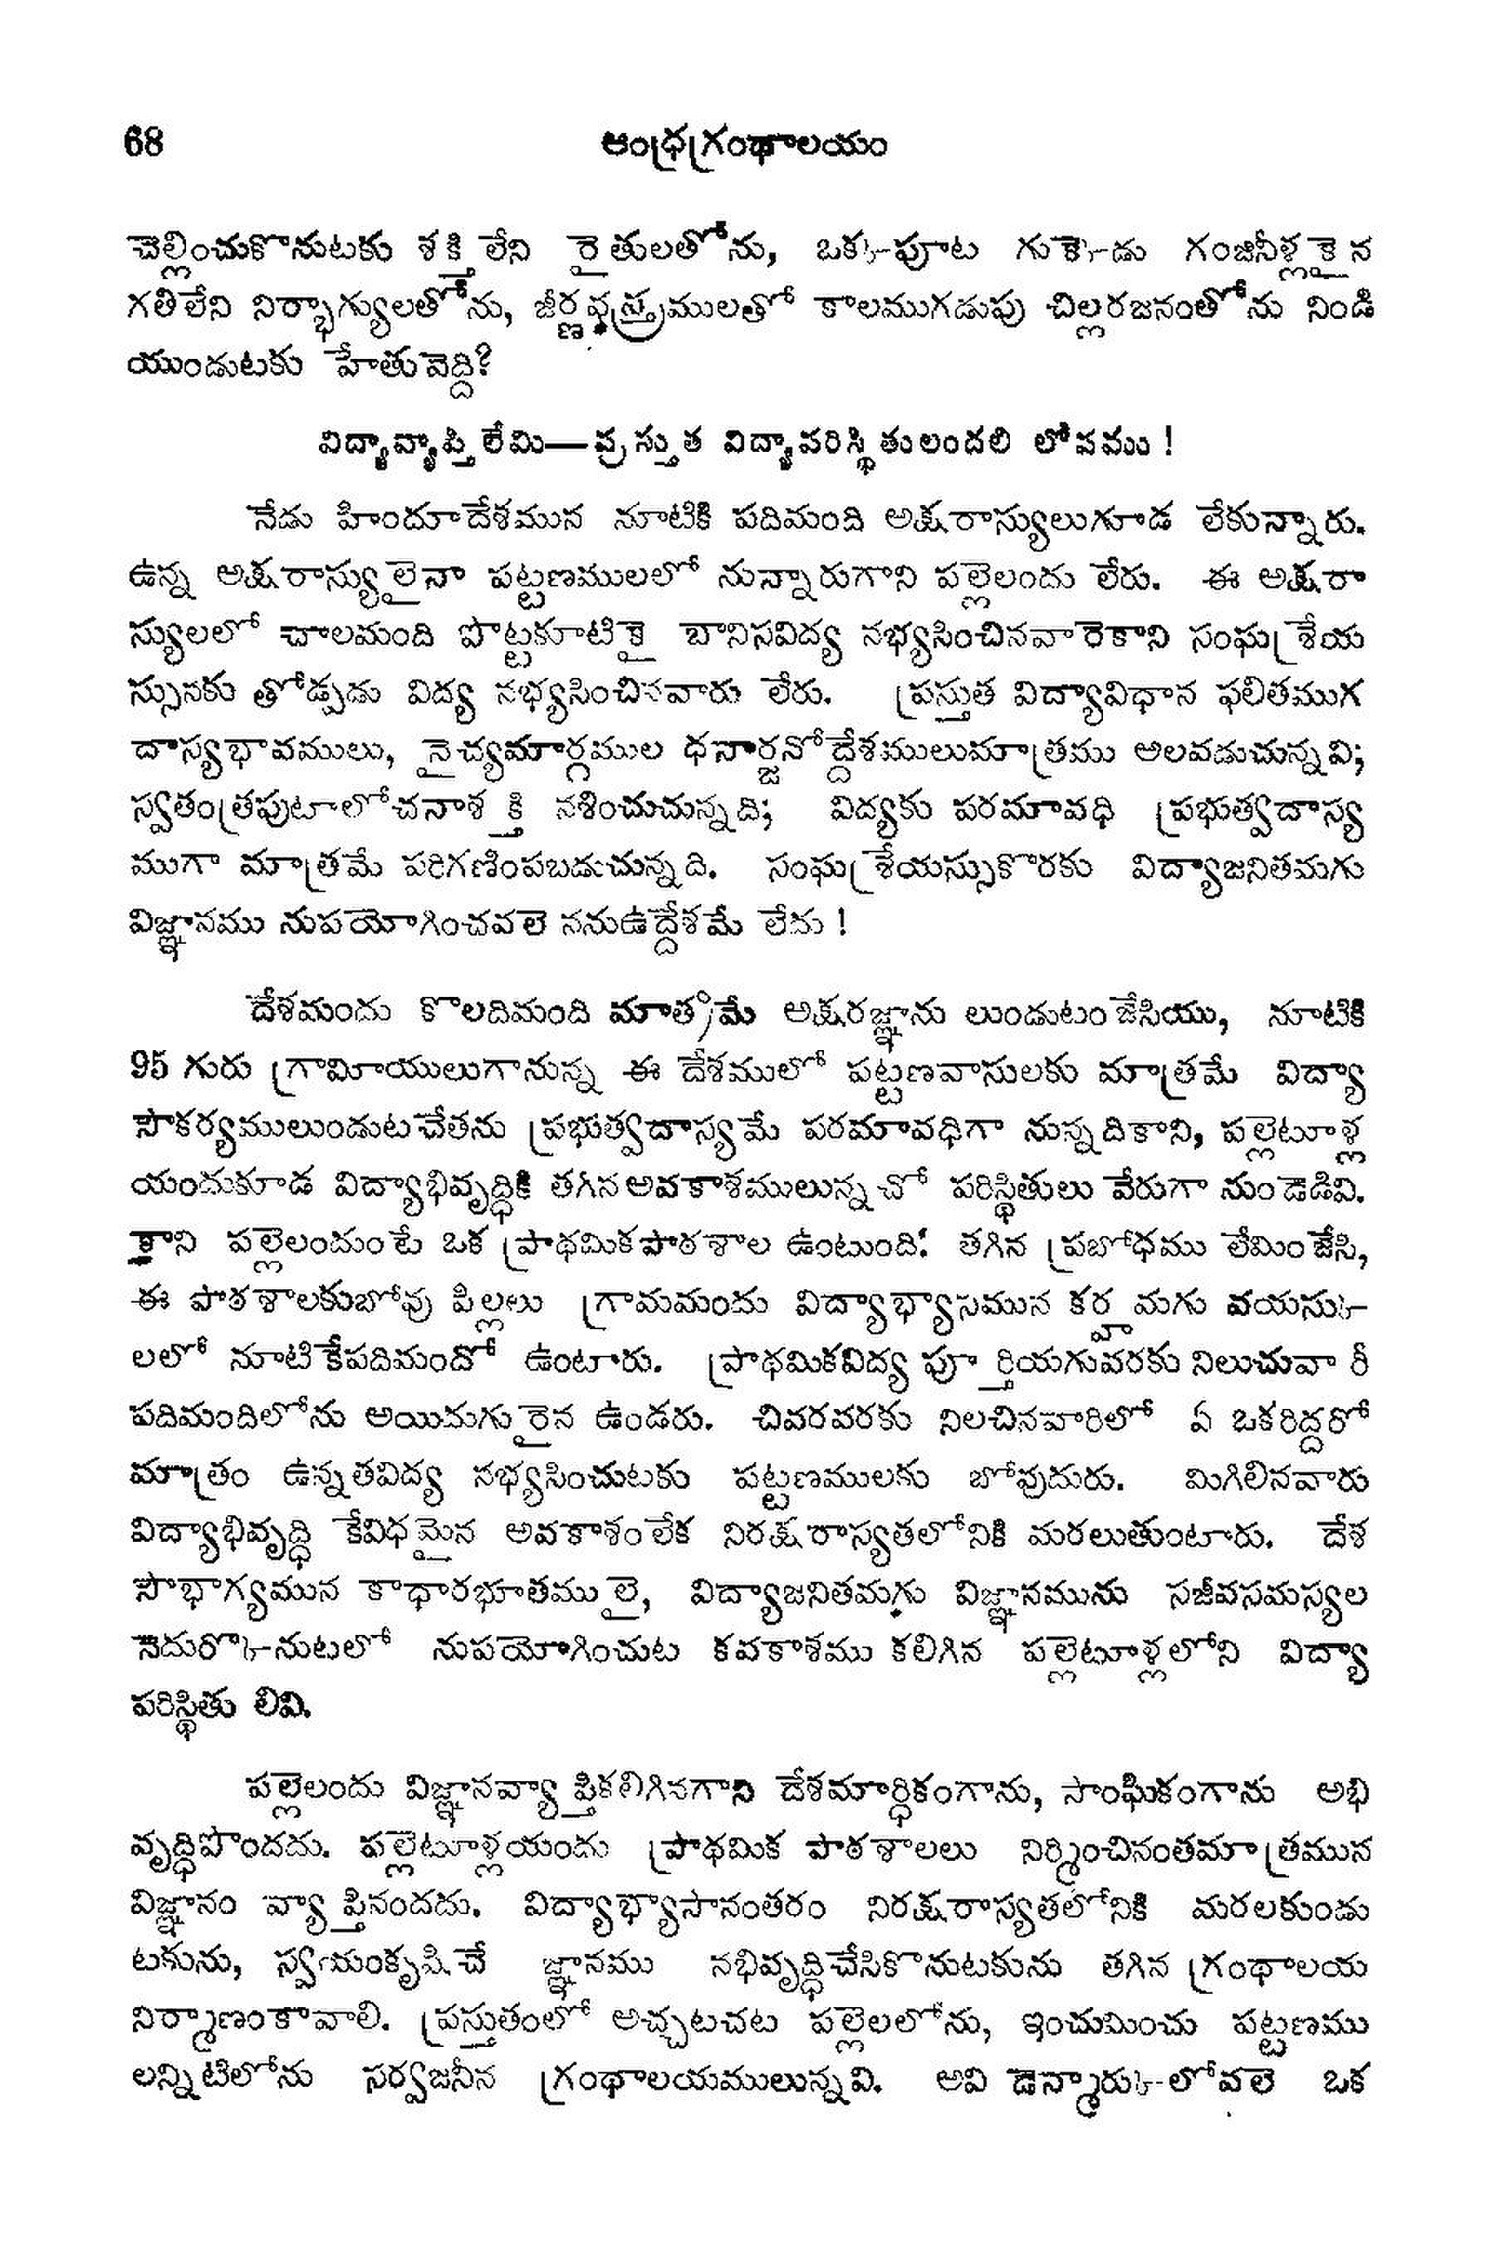చెల్లించుకొనుటకు శక్తి లేని రైతులతోను, ఒక్క పూట గుక్కెడు గంజినీళ్ల కైన గతిలేని నిర్భాగ్యులతోను, జీర్ణవస్త్రములతో కాలము గడుపు చిల్లరజనంతోను నిండి యుండుటకు హేతువెద్ది?

నేడు హిందూదేశమున నూటికి పదిమంది అక్షరాస్యులు గూడ లేకున్నారు. ఉన్న అక్షరాస్యులైనా పట్టణములలో నున్నారుగాని పల్లెలందు లేరు. ఈ అక్షరాస్యులలో చాలమంది పొట్టకూటికై బానిసవిద్య నభ్యసించినవారేకాని సంఘ శ్రేయస్సునకు తోడ్పడు విద్య నభ్యసించినవారు లేరు. ప్రస్తుత విద్యావిధాన ఫలితముగ దాస్య భావములు, నైచ్యమార్గముల ధనార్జనోద్దేశములుమాత్రము అలవడుచున్నవి; స్వతంత్రపుటాలోచనాశక్తి నశించుచున్నది;విద్యకు పరమావధి ప్రభుత్వదాస్యముగా మాత్రమే పరిగణింపబడుచున్నది. సంఘశ్రేయస్సుకొరకు విద్యాజనితమగు జ్ఞానము నుపయోగించవలెనను ఉద్దేశమే లేదు!

దేశమందు కొలదిమంది మాత్రమే అక్షరజ్ఞాను లుండుటంజేసియు, నూటికి 95 గురు
గ్రామియులుగానున్న ఈ దేశములో పట్టణవాసులకు మాత్రమే విద్యా సౌకర్యములుండుట చేతను ప్రభుత్వదాస్యమే పరమావధిగా నున్నదికాని, పల్లెటూళ్ల యందుకూడ విద్యాభివృద్ధికి తగిన అవకాశములున్నచో పరిస్థితులు వేరుగా నుండెడివి. కాని పల్లెలందుంటే ఒక ప్రాథమిక పాఠశాల ఉంటుంది. తగిన ప్రబోధము లేమింజేసి, ఈ పాఠశాలకుబోవు పిల్లలు గ్రామమందు విద్యాభ్యాసమున కర్హమగు వయస్సులలో నూటి కేపదిమందో ఉంటారు. ప్రాథమిక విద్య పూర్తియగువరకు నిలుచువారీలో పదిమందిలోను అయిదుగురైన ఉండరు. చివరవరకు నిలచినవారిలో ఏ ఒకరిద్దరో మాత్రం ఉన్నతవిద్య నభ్యసించుటకు పట్టణములకు బోవుదురు. మిగిలినవారు విద్యాభివృద్ధి కేవిధమైన అవకాశం లేక నిరక్షరాస్యతలోనికి మరలుతుంటారు. దేశసౌభాగ్యమున కాధారభూతములై, విద్యాజనితమగు విజ్ఞానమును సజీవసమస్యల
నెదుర్కొనుటలో నుపయోగించుట కవకాశము కలిగిన పల్లెటూళ్లలోని విద్యాపరిస్థితు లివి.

పల్లెలందు విజ్ఞానవ్యాప్తికలిగినగాని దేశమార్ధికంగాను, సాంఘికంగాను అభివృద్ధిపొందదు. పల్లెటూళ్లయందు ప్రాథమిక పాఠశాలలు నిర్మించినంతమాత్రమున విజ్ఞానం వ్యాప్తినందదు. విద్యాభ్యాసానంతరం నిరక్షరాస్యతలోనికి మరలకుండుటకును, స్వయంకృషిచే జ్ఞానము నభివృద్ధి చేసికొనుటకును తగిన గ్రంథాలయ నిర్మాణం కావాలి. ప్రస్తుతంలో అచ్చటచట పల్లెలలోను, ఇంచుమించు పట్టణము లన్నిటిలోను సర్వజనీన గ్రంథాలయములున్నవి.
గ్రంథాలయములున్నవి. అవి డెన్మార్కు- లోవలె ఒక